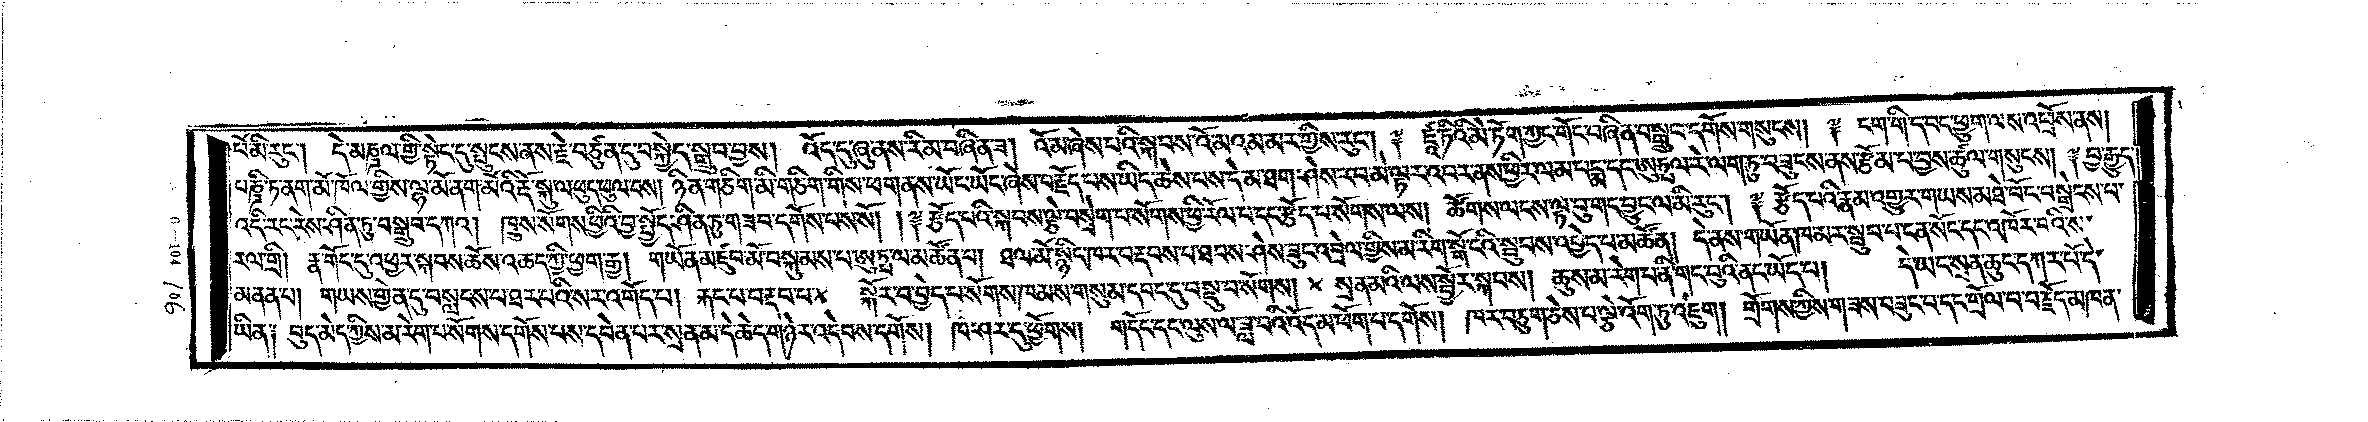པོ་མི་རུང་། དེ་མཎྜལ་གྱི་སྟེང་དུ་སྤངས་ནས་རྗེ་བཙུན་དུ་བསྐྱེད་སྒྲུབ་བྱས། འོད་དུ་ཞུས་ནས་རིམ་བཞིན་ཟ། འོ་མ་ཞེས་པའི་སྐབས་འོ་མའམ་མར་གྱིས་རུང་། ༈ ཛཱ་ཏིའི་མེ་ཏོག་ཀྱང་གོང་བཞིན་བསྒྲུབ་དགོས་གསུངས། ༈ ངག་གི་དབང་ཕྱུག་ལས་འཕྲོས་ནས།
པཎྜི་ཏ་ནག་མོ་ཁོལ་གྱིས་ལྷ་མོ་ནག་མོའི་རྡོ་སྐུ་ལ་ཕུད་ཕུལ་བས། ཉིན་གཅིག་མི་གཅིག་གིས་ཕག་ནས་ཡོང་ཡོང་ཞེས་བརྗོད་པས་ཡིད་ཆེས་པས་དེ་མ་ཐག་ཤེས་རབ་མེ་ལྟར་འབར་ནས་ཕྱིར་ལམ་པདམ་དང་ཨུཏྤལ་རེ་ལག་ཏུ་བཟུངས་ནས་རྩོམ་པ་བྱས་ཚུལ་གསུངས། ༈ བྱ་རྒྱུད་
འདི་རང་རེས་ཤིན་ཏུ་བསྒྲུབ་དཀའ། ཁྲུས་སོགས་ཕྱིའི་བྱ་སྤྱོད་ཤིན་ཏུ་གཟབ་དགོས་པས་སོ། །༈ རྩོད་པའི་སྐབས་ལྕེ་བསྲེག་པ་སོགས་ཕྱི་རོལ་པ་དང་རྩོད་པ་སོགས་ལས། ཚོགས་ལངས་ལྟ་བུ་གང་བྱུང་ལ་མི་རུང་། ༈ རྩོད་པའི་རྣམ་འགྱུར་གཡས་མཐེ་བོང་བསྒྲེངས་པ་
རལ་གྲི། རྣ་གོང་དུ་འཕྱར་སྐབས་ཆོས་འཆད་ཀྱི་ཕྱག་རྒྱ། གཡོན་མཛུབ་མོ་བསྐུམས་པ་ཨུཏྤལ་མཚོན་པ། ཐལ་མོ་སྙིང་ཁར་བརྡབས་པ་ཐབས་ཤེས་ཟུང་འབྲེལ་གྱིས་མ་རིག་སྒོ་ངའི་སྦུབས་འབྱེད་པ་མཚོན། དེ་ནས་གཡོན་ཁ་མར་སྦུབ་པ་ངན་སོང་དང་འཁོར་བའི་ས་
མནན་པ། གཡས་གྱེན་དུ་བསླངས་པ་ཐར་པའི་སར་འགོད་པ། རྐང་པ་བརྡབ་པ་྾་སྐོར་བ་བྱེད་པ་སོགས་མཁམས་གསུམ་དབང་དུ་བསྡུ་བ་སོགས། ྾་སྲན་མའི་ལས་སྦྱོར་སྐབས། ཆུས་མ་རེག་པ་ནི་གང་བུའི་ནང་ཡོད་པ། དེ་ཡང་སྲན་ཆུང་དཀར་པོ་དེ་
ཡིན༑ བུད་མེད་ཀྱིས་མ་རེག་པ་སོགས་དགོས་པས་དབེན་པར་སྲན་མ་དེ་ཆེད་གཉེར་འདེབས་དགོས། ཁ་ཤར་དུ་ཕྱོགས། གདོང་དང་ལུགས་ལ་ཟླ་བའི་འོད་མ་ཕོག་པ་དགོས། ཁར་བཅུག་ཅེས་པ་ལྕེ་འོག་ཏུ་འཇུག། གྲོགས་ཀྱིས་གཟས་བཟུང་བ་དང་གྲོལ་བ་བརྗོད་མཁན་